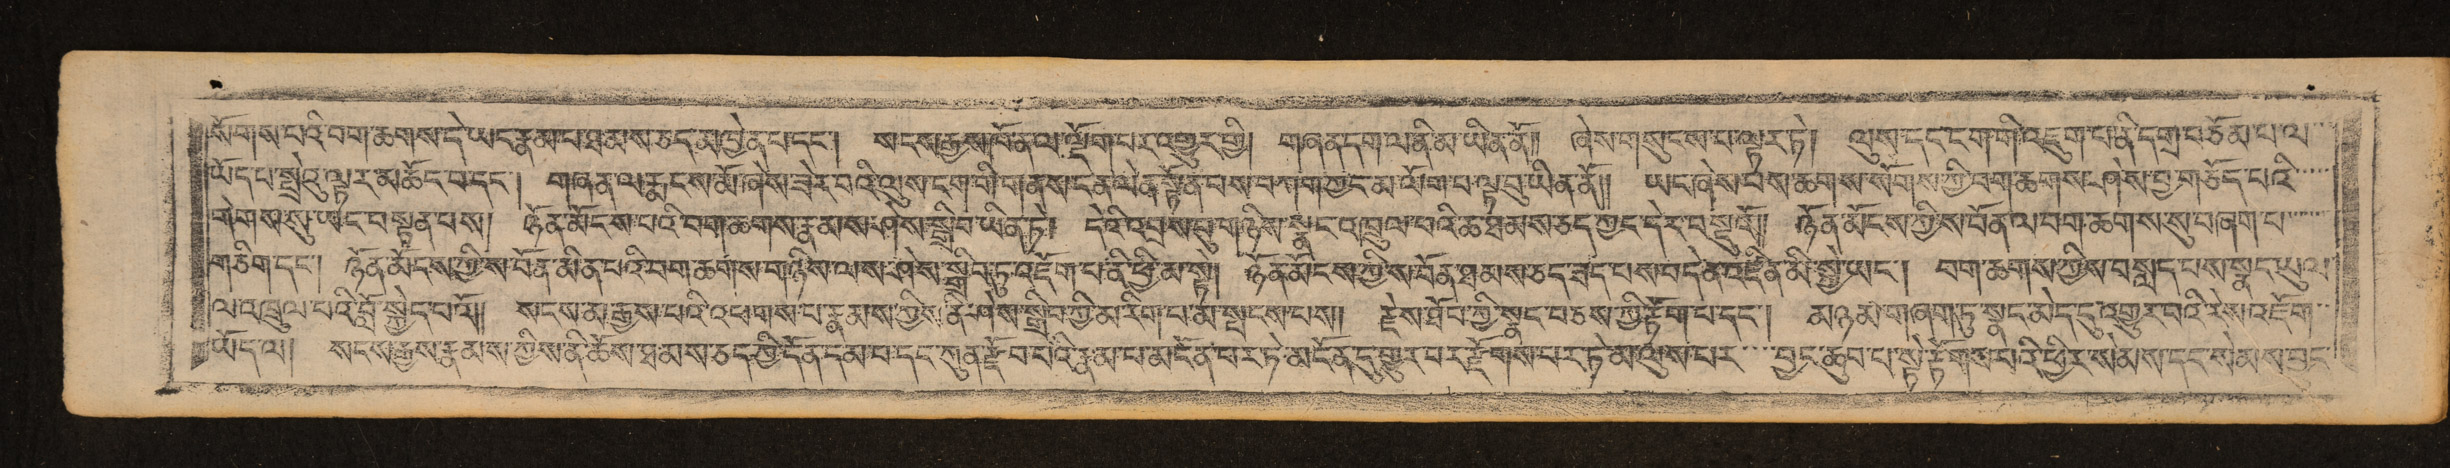སོགས་པའི་བག་ཆགས་དེ་ཡང་རྣམ་པ་ཐམས་ཅད་མཁྱེན་པ་དང་། སངས་རྒྱས་ཁོ་ན་ལ་ལྡོག་པར་འགྱུར་གྱི། གཞན་དག་ལ་ནི་མ་ཡིན་ནོ།། ཞེས་གསུངས་པ་ལྟར་ཏེ། ལུས་དང་ངག་གི་འཇུག་པ་ནི་དགྲ་བཅོམ་པ་ལ་
ཡོད་པ་སྤྲེའུ་ལྟར་མཆོང་བ་དང་། གཞན་ལ་རྨངས་མོ་ཞེས་ཟེར་བའི་ལུས་ངག་གི་གནས་ངན་ལེན་སྟོན་པས་བཀག་ཀྱང་མ་ལོག་པ་ལྟ་བུ་ཡིན་ནོ།། ཡང་ཞེས་པས་ཆགས་སོགས་ཀྱི་བག་ཆགས་ཤེས་བྱ་གཅོད་པའི་
གེགས་སུ་ཡང་བསྟན་པས། ཉོན་མོངས་པའི་བག་ཆགས་རྣམས་ཤེས་སྒྲིབ་ཡིན་ཏེ། དེའི་འབྲས་བུ་གཉིས་སྣང་འཁྲུལ་པའི་ཆ་ཐམས་ཅད་ཀྱང་དེར་བསྡུའོ།། ཉོན་མོངས་ཀྱི་ས་བོན་ལ་བག་ཆགས་སུ་བཞག་པ་
ཅིག་དང་། ཉོན་མོངས་ཀྱི་ས་བོན་མིན་པའི་བག་ཆགས་གཉིས་ལས་ཤེས་སྒྲིབ་ཏུ་འཇོག་པ་ནི་ཕྱི་མ་སྟེ། ཉོན་མོངས་ཀྱི་ས་བོན་ཐམས་ཅད་ཟད་པས་བདེན་འཛིན་མི་སྐྱེ་ཡང་། བག་ཆགས་ཀྱིས་བསླད་པས་སྣང་ཡུལ་
ལ་འཁྲུལ་པའི་བློ་སྐྱེད་པའོ།། སངས་མ་རྒྱས་པའི་འཕགས་པ་རྣམས་ཀྱིས་ནི་ཤེས་སྒྲིབ་ཀྱི་མ་རིག་པ་མ་སྤངས་པས། རྗེས་ཐོབ་ཀྱི་སྣང་བཅས་ཀྱི་རྟོག་པ་དང་། མཉམ་གཞག་ཏུ་སྣང་མེད་དུ་འགྱུར་བའི་རེས་འཇོག་
ཡོད་ལ། སངས་རྒྱས་རྣམས་ཀྱིས་ནི་ཆོས་ཐམས་ཅད་ཀྱི་དོན་དམ་པ་དང་ཀུན་རྫོབ་པའི་རྣམ་པ་མངོན་པར་ཏེ་མངོན་དུ་གྱུར་པར་རྫོགས་པར་ཏེ་མ་ལུས་པར་བྱང་ཆུབ་པ་སྟེ་རྟོགས་པའི་ཕྱིར་སེམས་དང་སེམས་བྱུང་